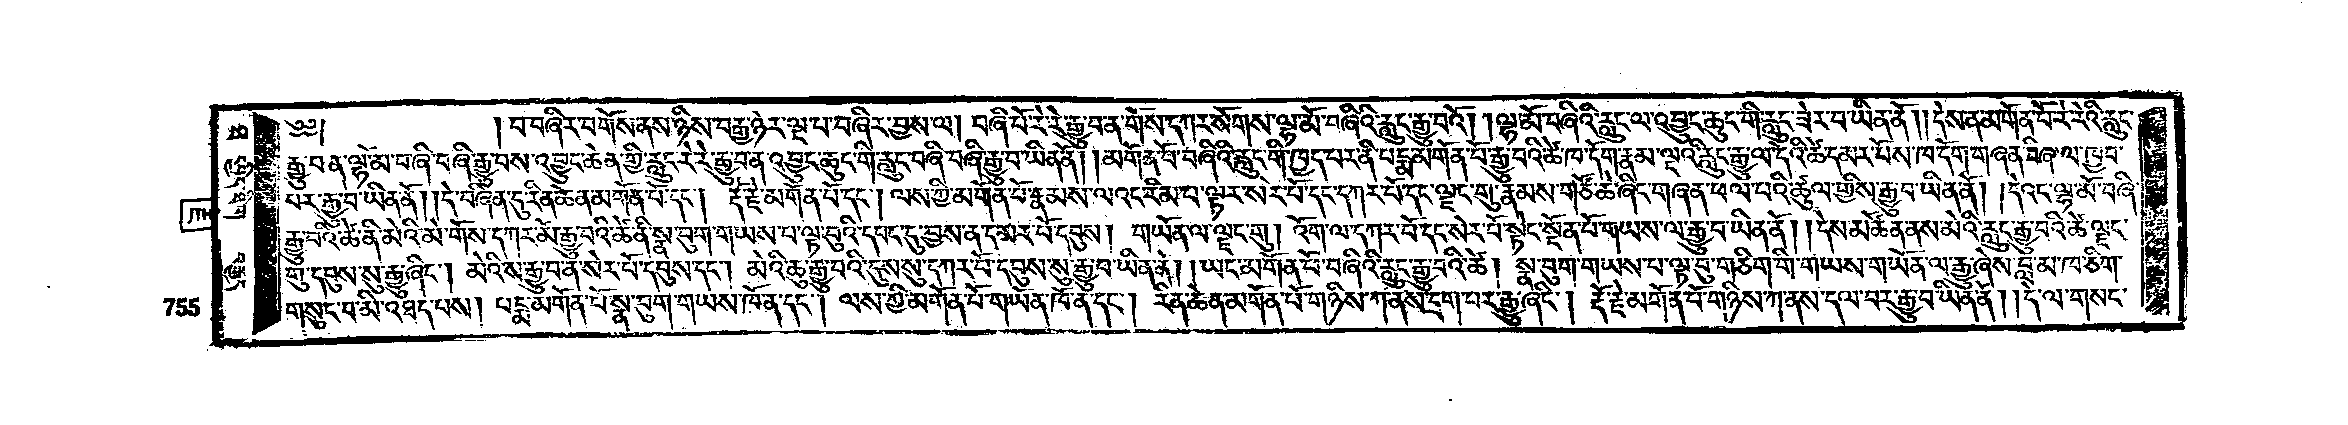༄༅། །པ་བཞིར་བགོས་ནས་ཉིས་བརྒྱ་ཉེར་ལྔ་པ་བཞིར་བྱས་ལ། བཞི་པོ་རེ་རེ་རྒྱུ་བ་ན་གོས་དཀར་སོགས་ལྷ་མོ་བཞིའི་རླུང་རྒྱུ་བའོ། །ལྷ་མོ་བཞིའི་རླུང་ལ་འབྱུང་ཆུང་གི་རླུང་ཟེར་བ་ཡིན་ནོ། །དེས་ན་མགོན་པོ་རེ་རེའི་རླུང་
རྒྱུ་བ་ན་ལྷ་མ་བཞི་བཞི་རྒྱུ་བས་འབྱུང་ཆེན་གྱི་རླུང་རེ་རེ་རྒྱུ་བ་ན་འབྱུང་ཆུང་གི་རླུང་བཞི་བཞི་རྒྱུ་བ་ཡིན་ནོ། །མགོན་པོ་བཞིའི་རླུང་གི་ཁྱད་པར་ནི་པདམ་མགོན་པོ་རྒྱུ་བའི་ཚེ་ཁ་དོག་རྣམ་ལྔའི་རླུང་རྒྱུ་ལ་དེའི་ཚེ་དམར་པོས་ཁ་དོག་གཞན་བཞི་ལ་ཁྱབ་
པར་རྒྱུ་བ་ཡིན་ནོ། །དེ་བཞིན་དུ་རིན་ཆེན་མགོན་པོ་དང་། རྡོ་རྗེ་མགོན་པོ་དང་། ལས་ཀྱི་མགོན་པོ་རྣམས་ལའང་རིམ་པ་ལྟར་སེར་པོ་དང་དཀར་པོ་དང་ལྗང་གུ་རྣམས་གཙོ་ཆེ་ཞིང་གཞན་ཕལ་པའི་ཚུལ་གྱིས་རྒྱུ་བ་ཡིན་ནོ། །དེའང་ལྷ་མོ་བཞི་
རྒྱུ་བའི་ཚེ་ནི་མེའི་མེ་གོས་དཀར་མོ་རྒྱུ་བའི་ཚེ་ནི་སྣ་བུག་གཡས་པ་ལྟ་བུའི་དབང་དུ་བྱས་ན་དམར་པོ་དབུས། གཡོན་ལ་ལྗང་གུ། འོག་ལ་དཀར་པོ་དང་སེར་པོ་སྟེང་སྔོན་པོ་གཡས་ལ་རྒྱུ་བ་ཡིན་ནོ། །དེས་མཚོན་ནས་མེའི་རླུང་རྒྱུ་བའི་ཚེ་ལྗང་
གུ་དབུས་སུ་རྒྱུ་ཞིང་། མེའི་ས་རྒྱུ་བ་ན་སེར་པོ་དབུས་དང་། མེའི་ཆུ་རྒྱུ་བའི་དུས་སུ་དཀར་པོ་དབུས་སུ་རྒྱུ་བ་ཡིན་ནོ། །ཡང་མགོན་པོ་བཞིའི་རླུང་རྒྱུ་བའི་ཚེ། སྣ་བུག་གཡས་པ་ལྟ་བུ་གཅིག་གི་གཡས་གཡོན་ལ་རྒྱུ་ཞེས་བླ་མ་ཁ་ཅིག་
གསུང་བ་མི་འཐད་པས། པདམ་མགོན་པོ་སྣ་བུག་གཡས་ཁོ་ན་དང་། ལས་ཀྱི་མགོན་པོ་གཡོན་ཁོ་ན་དང་། རིན་ཆེན་མགོན་པོ་གཉིས་ཀ་ནས་དྲག་པར་རྒྱུ་ཞིང་། རྡོ་རྗེ་མགོན་པོ་གཉིས་ཀ་ནས་དལ་བར་རྒྱུ་བ་ཡིན་ནོ། །དེ་ལ་གསང་